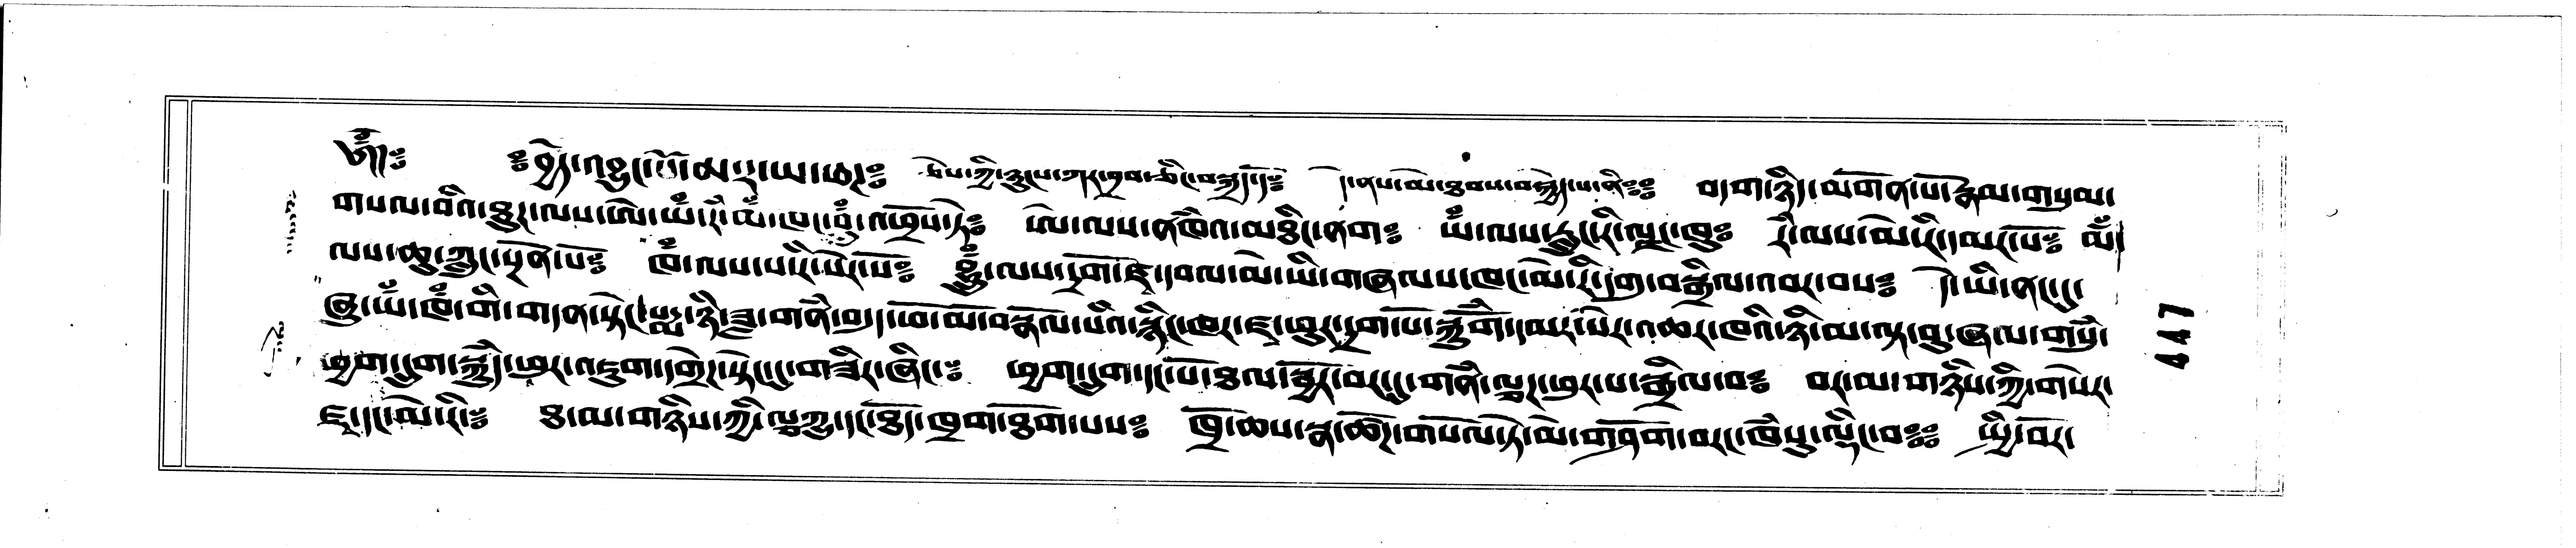༔བྱེད་འབྱུང་པོ་མ་ར་ཡ་ཕཌ༔ཅེས་ཀྱི་ཉུངས་དཀར་བྲབ་ཅིང་བསྐྲད་དོ༔དེ་ནས་མེ་ཐབས་བསྐྱེད་པ་ནི༔༔བདག་ཉིད་མགོན་པོ་རྣམ་གསུམ་
གསལ་བའི་ཐུགས་ལས་ཨེ་ཡཾ་རཾ་མཾ་ཁང་བྲུཾ་འཕྲོས་ཏེ༔ཨེ་ལས་ནམ་མཁའ་མཐིང་ནག༔ཡཾ་ལས་རླུང་རི་ལྗང་ཁུ༔རཾ་ལས་མེ་རི་དམར་པོ༔མཾ་
ལས་ཆུ་ཀླུང་སྔོན་པོ༔ཁཾ་ལས་ས་རི་སེར་པོ༔བྷྲུཾ་ལས་དྲག་པོ་ཛྭ་དབལ་མེ་ཡི་གཞལ་ཡས་ཁང་མེ་རི་དགུ་བསྒྲིལ་འབར་བས༔དེ་ཡི་ནང་དུ་
ཞུང་ཡཾ་ཁཾ་གི་གདན་སྟེང་པདྨ་ཉི་ཟླ་གནམ་བདུད་ཕོ་མོ་བསྣོལ་པའི་སྙིང་ཁར་ཛྭ་ཕུར་དྲག་པོ་སྐུ་མདོག་དམར་སེར་འཆར་ཁའི་ཉི་མ་ལྟ་བུ་ཞལ་གསུམ་
ཕྱག་དྲུག་སྐུ་སྨད་ཕུར་མཇུག་དགྲ་བགེགས་སྟེང་དུ་གཟིར་ཞིང་༔ཕྱག་དྲུག་དང་པོ་ཐལ་སྦྱོར་མང་དུ་གནམ་ལྕགས་ཕུར་པ་སྒྲིལ་བ༔བར་མ་གཉིས་ཀྱི་གསེར་
ཛྭ་མེ་རི༔ཐ་མ་གཉིས་ཀྱི་ལྕགས་ཀྱུ་དང་ཐོད་ཁྲག་ཐོགས་པས༔ཁྲོ་ཆས་སྣ་ཚོགས་གསོལ་ཏེ་མེ་གཤོག་བར་སྣང་ཁམས་སུ་ལྡིང་བ༔༔སྤྱི་བོར་